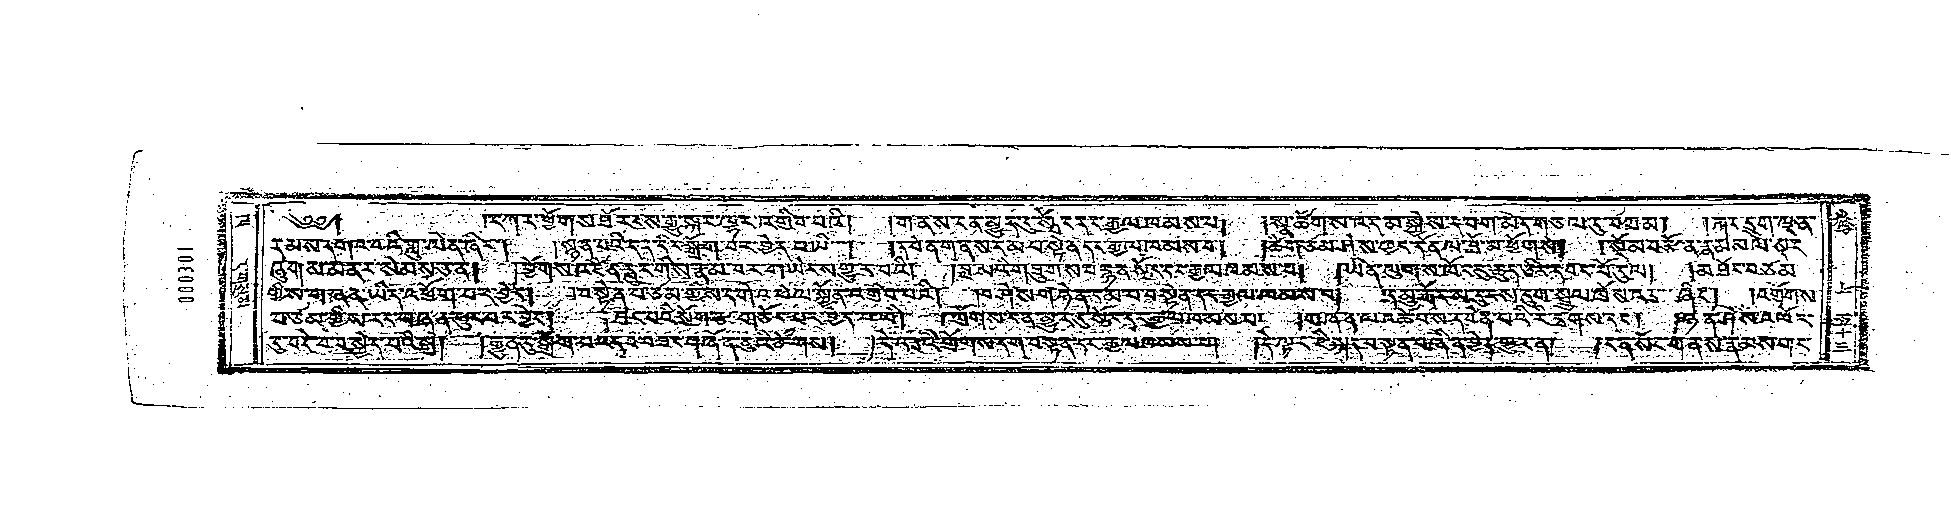༄༅། །དཀར་ཕྱོགས་ཐོ་རངས་རྒྱུ་སྐར་ལྟར་འགྲིབ་པའི། །གནས་ངན་མྱུར་དུ་སྤོང་དང་རྒྱལ་ཁམས་ལ། །སྣ་ཚོགས་འདམ་སྐྱེས་དཔག་མེད་གཅལ་དུ་བཀྲམ། །རྐང་དྲུག་ལྡན་
ཉམས་དགའ་བའི་གླུ་ལེན་ཞིང་། །སྙན་པའི་དར་དིར་སྒྲོག་པར་བྱེད་པ་ཡི། །དབེན་གནས་དམ་བསྟེན་དང་རྒྱལ་ཁམས་པ། །ཚིག་ཙམ་ཤེས་ཀྱང་དོན་ལ་བློ་མ་ཕྱོགས། །སྡོམ་བརྩོན་རྣམས་ལ་སྡང་
ཞུགས་མནར་སེམས་ཅན། །ཕྱོགས་འཛིན་རླུང་གིས་རྣམ་པར་གཡེངས་གྱུར་པའི། །བླ་མའི་གཟུགས་བརྙན་སྤོད་དང་རྒྱལ་ཁམས་པ། །ཡིན་ལུགས་ཁོང་དུ་ཆུད་ཅིང་དབང་པོ་དུལ། །མཐོང་བ་ཙམ་
གྱིས་གཞན་ཡིད་འཕྲོག་པར་བྱེད། །བསྟེན་པ་ཙམ་གྱིས་དགེ་འཕེལ་སྐྱོན་འགྲིབ་པའི། །བཤེས་གཉེན་དམ་པ་བསྟེན་དང་རྒྱལ་ཁམས་པ། །དམུ་རྒོད་མ་རུངས་དུག་སྦྲུལ་ཁྲོས་འདྲ་ཞིང་། །འགྲོགས་
པ་ཙམ་གྱིས་རང་གཞན་ཕུང་བར་བྱེད། །ཐར་པའི་སྲོག་རྩ་གཅོད་པར་བྱེད་པ་ཡི། །གྲོགས་ངན་མྱུར་དུ་སྤོང་དང་རྒྱལ་ཁམས་པ། །གཞན་ལ་འཚེ་བས་དབེན་པའི་རི་དྭགས་དང་། །ཉན་ཤེས་འཁོར་
དུ་བདེ་བ་བསྐྱེད་བའི་སྒྲ། །རྒྱུན་དུ་སྒྲོག་པ་འདབ་བཟང་གཞོན་ནུའི་ཚོགས། །དེ་འདྲའི་གྲོགས་དག་བསྟན་དང་རྒྱལ་ཁམས་པ། །དེ་ལྟར་ཇི་སྐད་བསྟན་བཞིན་བྱེད་གྱུར་ན། །ངན་སོང་གནས་རྣམས་གང་